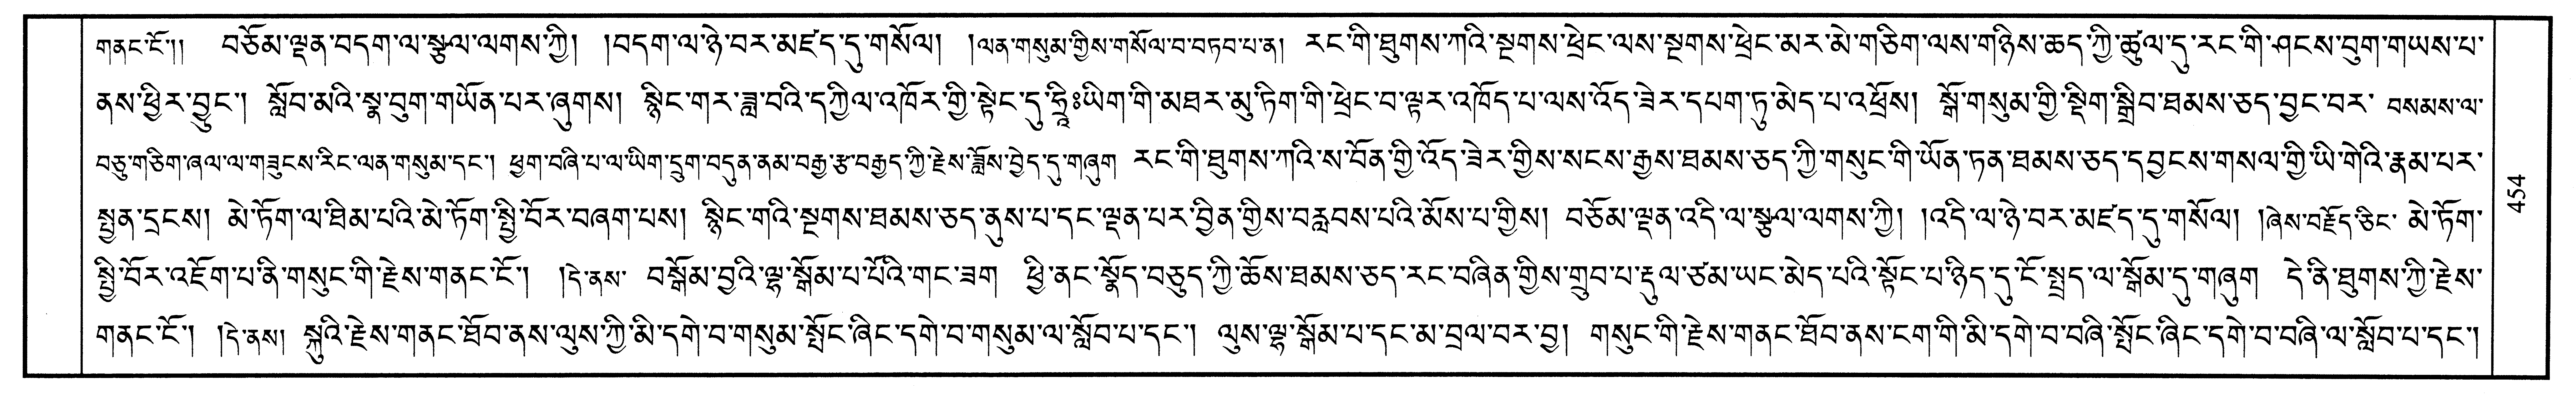གནང་ངོ།། བཅོམ་ལྡན་བདག་ལ་སྩལ་ལགས་ཀྱི། །བདག་ལ་ཉེ་བར་མཛད་དུ་གསོལ། །ལན་གསུམ་གྱིས་གསོལ་བ་བཏབ་པ་ན། རང་གི་ཐུགས་ཀའི་སྔགས་ཕྲེང་ལས་སྔགས་ཕྲེང་མར་མེ་གཅིག་ལས་གཉིས་ཆད་ཀྱི་ཚུལ་དུ་རང་གི་ཤངས་སྦུག་གཡས་པ་
ནས་ཕྱིར་བྱུང་། སློབ་མའི་སྣ་བུག་གཡོན་པར་ཞུགས། སྙིང་གར་ཟླ་བའི་དཀྱིལ་འཁོར་གྱི་སྟེང་དུ་ཧྲཱིཿ ཡིག་གི་མཐར་མུ་ཏིག་གི་ཕྲེང་བ་ལྟར་འཁོད་པ་ལས་འོད་ཟེར་དཔག་ཏུ་མེད་པ་འཕྲོས། སྒོ་གསུམ་གྱི་སྡིག་སྒྲིབ་ཐམས་ཅད་བྱང་བར་བསམས་ལ་
བཅུ་གཅིག་ཞལ་ལ་གཟུངས་རིང་ལན་གསུམ་དང་། ཕྱག་བཞི་པ་ལ་ཡིག་དྲུག་བདུན་ནམ་བརྒྱ་རྩ་བརྒྱད་ཀྱི་རྗེས་ཟློས་བྱེད་དུ་གཞུག །རང་གི་ཐུགས་ཀའི་ས་བོན་གྱི་འོད་ཟེར་གྱིས་སངས་རྒྱས་ཐམས་ཅད་ཀྱི་གསུང་གི་ཡོན་ཏན་ཐམས་ཅད་དབྱངས་གསལ་གྱི་ཡི་གེའི་རྣམ་པར་
སྤྱན་དྲངས། མེ་ཏོག་ལ་ཐིམ་པའི་མེ་ཏོག་སྤྱི་བོར་བཞག་པས། སྙིང་གའི་སྔགས་ཐམས་ཅད་ནུས་པ་དང་ལྡན་པར་བྱིན་གྱིས་བརླབས་པའི་མོས་པ་གྱིས། བཅོམ་ལྡན་འདི་ལ་སྩལ་ལགས་ཀྱི། །འདི་ལ་ཉེ་བར་མཛད་དུ་གསོལ། །ཞེས་བརྗོད་ཅིང་མེ་ཏོག་
སྤྱི་བོར་འཇོག་པ་ནི་གསུང་གི་རྗེས་གནང་ངོ། །དེ་ནས་བསྒོམ་བྱའི་ལྷ་སྒོམ་པ་པོའི་གང་ཟག་ཕྱི་ནང་སྣོད་བཅུད་ཀྱི་ཆོས་ཐམས་ཅད་རང་བཞིན་གྱིས་གྲུབ་པ་རྡུལ་ཙམ་ཡང་མེད་པའི་སྟོང་པ་ཉིད་དུ་ངོ་སྤྲད་ལ་སྒོམ་དུ་གཞུག །དེ་ནི་ཐུགས་ཀྱི་རྗེས་
གནང་ངོ། །དེ་ནས། སྐུའི་རྗེས་གནང་ཐོབ་ནས་ལུས་ཀྱི་མི་དགེ་བ་གསུམ་སྤོང་ཞིང་དགེ་བ་གསུམ་ལ་སློབ་པ་དང་། ལུས་ལྷ་སྒོམ་པ་དང་མ་བྲལ་བར་བྱ། གསུང་གི་རྗེས་གནང་ཐོབ་ནས་ངག་གི་མི་དགེ་བ་བཞི་སྤོང་ཞིང་དགེ་བ་བཞི་ལ་སློབ་པ་དང་།